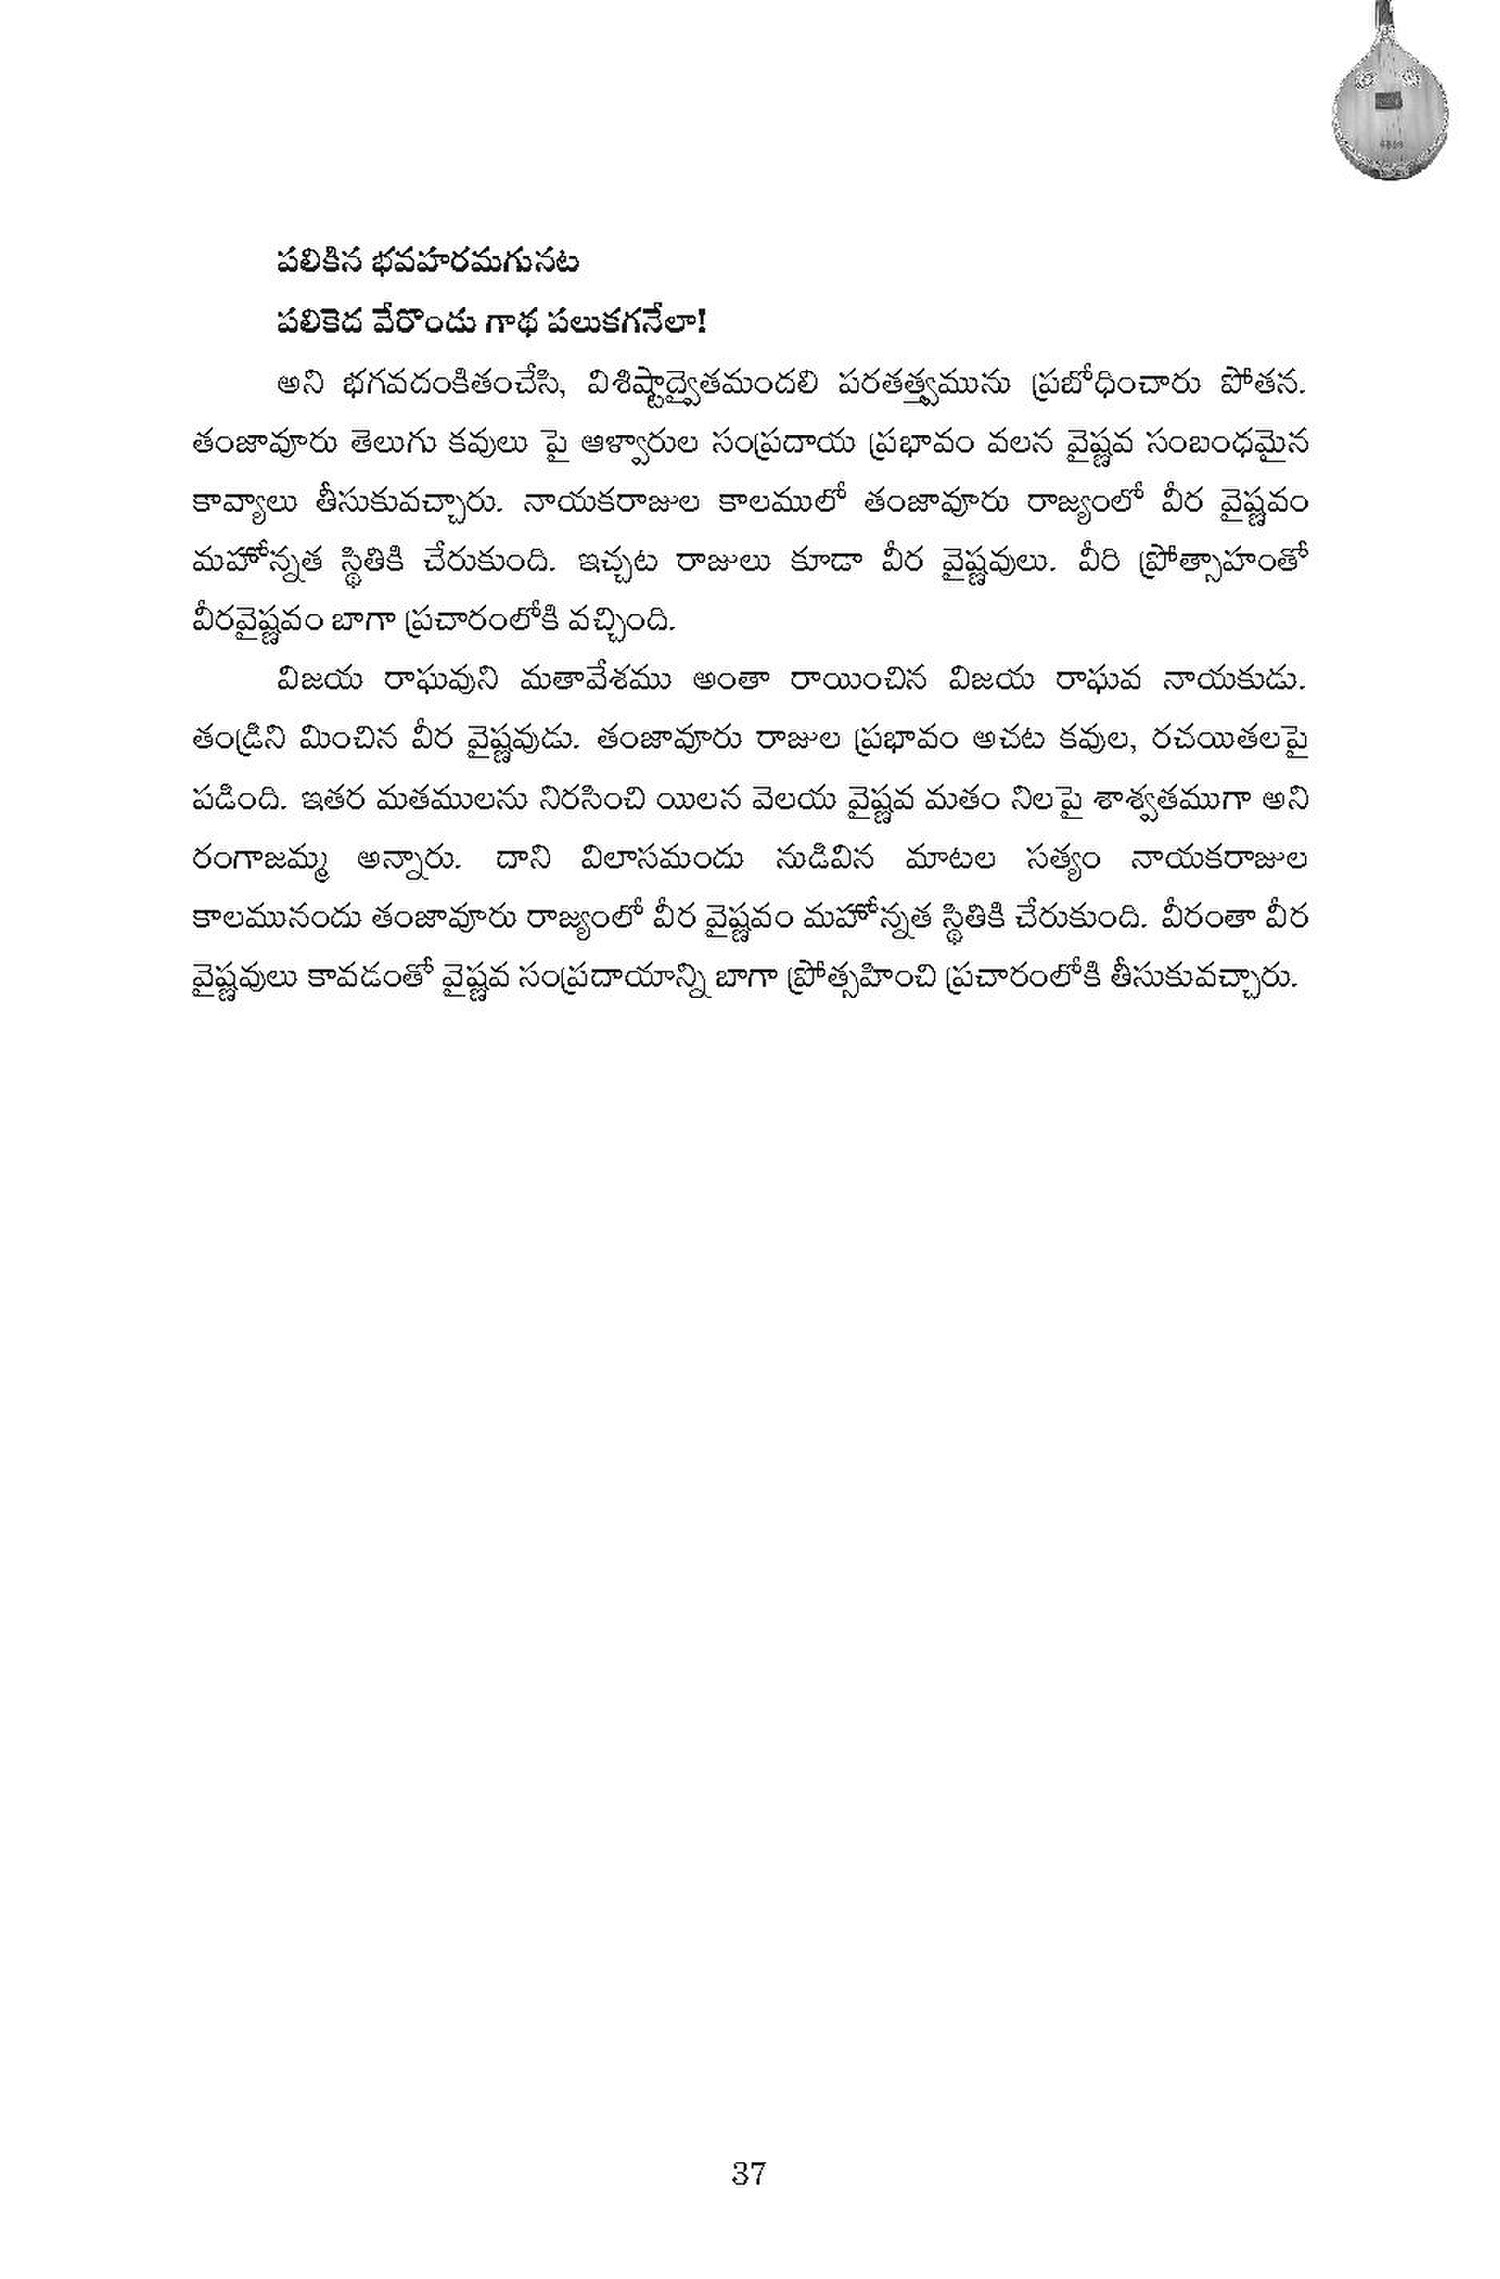పలికిన భవహరమగునట
పలికెద వేరొండు గాథ పలుకగనేలా!

అని భగవదంకితంచేసి, విశిష్టాద్వైతమందలి పరతత్త్వమును ప్రబోధించారు పోతన. తంజావూరు తెలుగు కవులు పై ఆళ్వారుల సంప్రదాయ ప్రభావం వలన వైష్ణవ సంబంధమైన కావ్యాలు తీసుకువచ్చారు. నాయకరాజుల కాలములో తంజావూరు రాజ్యంలో వీర వైష్ణవం మహోన్నత స్థితికి చేరుకుంది. ఇచ్చట రాజులు కూడా వీర వైష్ణవులు. వీరి ప్రోత్సాహంతో వీరవైష్ణవం బాగా ప్రచారంలోకి వచ్చింది.

విజయ రాఘవుని మతావేశము అంతా రాయించిన విజయ రాఘవ నాయకుడు. తండ్రిని మించిన వీర వైష్ణవుడు. తంజావూరు రాజుల ప్రభావం అచట కవుల, రచయితలపై పడింది. ఇతర మతములను నిరసించి యిలన వెలయ వైష్ణవ మతం నిలపై శాశ్వతముగా అని రంగాజమ్మ అన్నారు. దాని విలాసమందు నుడివిన మాటల సత్యం నాయకరాజుల
కాలమునందు తంజావూరు రాజ్యంలో వీర వైష్ణవం మహోన్నత స్థితికి చేరుకుంది. వీరంతా వీర వైష్ణవులు కావడంతో వైష్ణవ సంప్రదాయాన్ని బాగా ప్రోత్సహించి ప్రచారంలోకి తీసుకువచ్చారు.